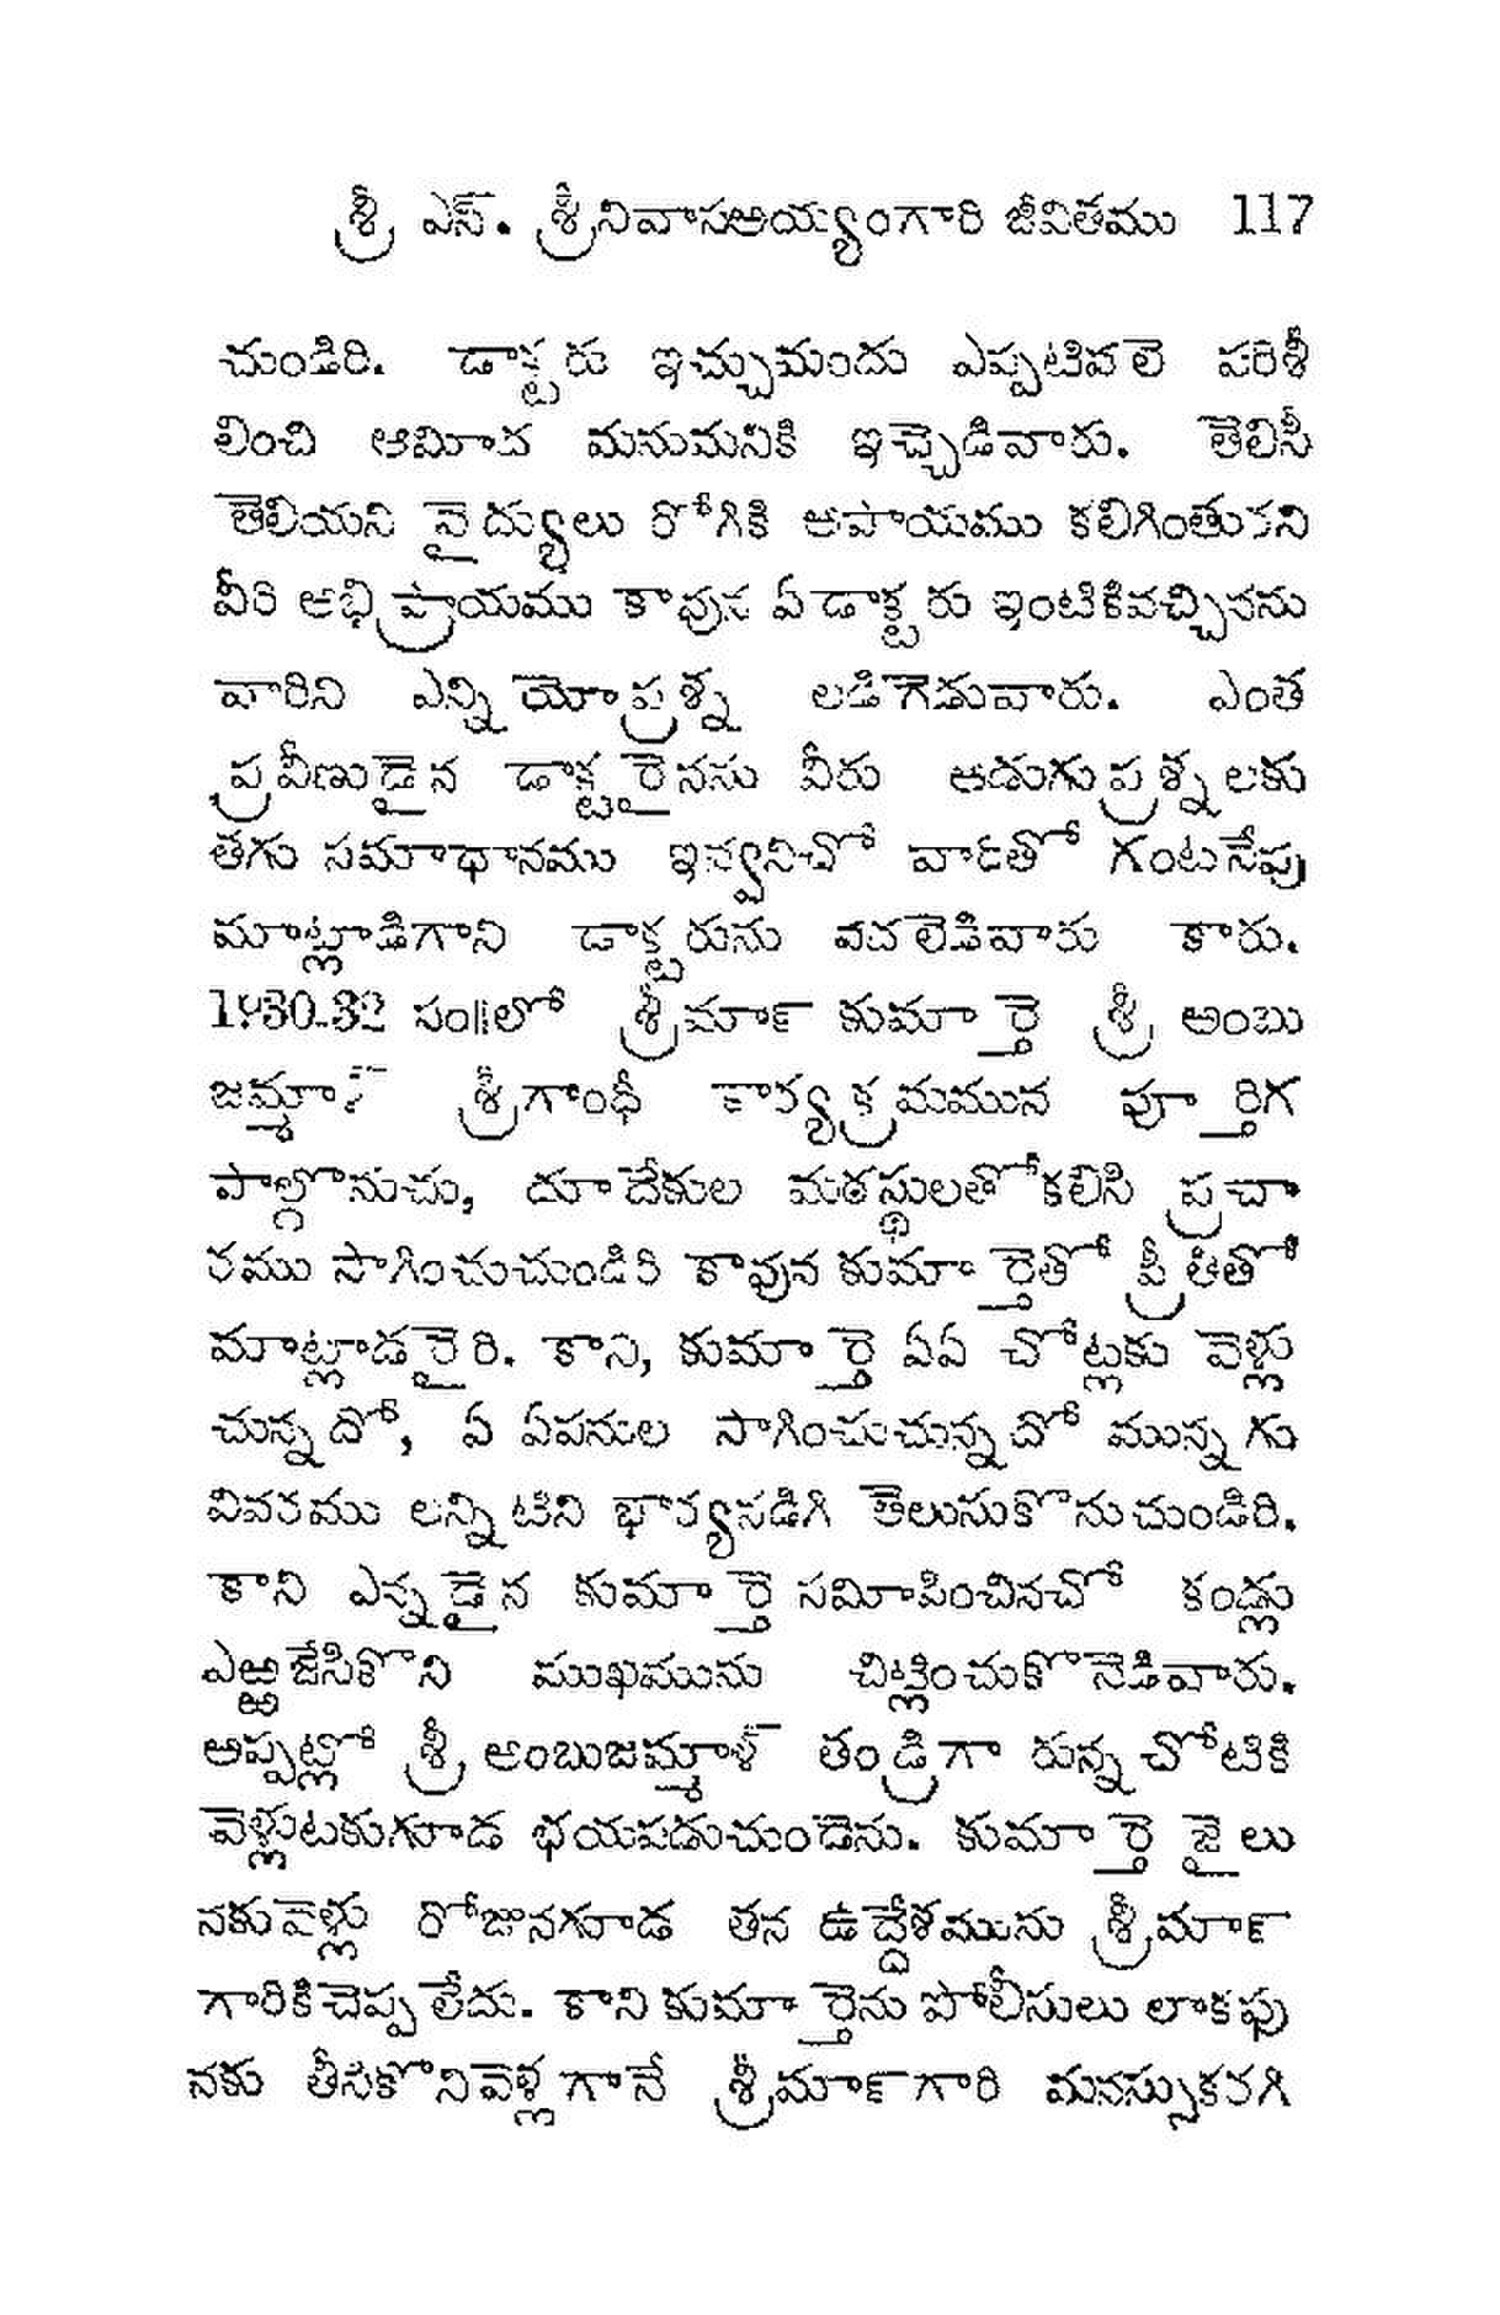చుండిరి. డాక్టరు ఇచ్చుమందు ఎప్పటివలె పరిశీలించి ఆమీద మనుమనికి ఇచ్చెడివారు. తెలిసీ తెలియని వైద్యులు రోగికి ఆపాయము కలిగింతురని వీరి అభిప్రాయము కావున ఏడాక్టరు ఇంటికి వచ్చినను వారిని ఎన్నియోప్రశ్న లడిగెడువారు. ఎంత ప్రవీణుడైన డాక్టరైనను వీరు అడుగుప్రశ్నలకు తగు సమాధానము ఇవ్వనిచో వారితో గంటసేపు మాట్లాడిగాని డాక్టరును వదలెడివారు కారు. 1930.32 సం||లో శ్రీమా౯ కుమార్తె శ్రీ అంబుజమ్మాళ్ శ్రీగాంధీ కార్యక్రమమున పూర్తిగ పాల్గొనుచు, దూదేకుల మఠస్థులతోకలిసి ప్రచారము సాగించుచుండిరి కావున కుమార్తెతో ప్రీతితో మాట్లాడరైరి. కాని, కుమార్తె ఏఏ చోట్లకు వెళ్లుచున్నదో, ఏ ఏపనుల సాగించుచున్నదో మున్నగు వివరము లన్నిటిని భార్యనడిగి తెలుసుకొనుచుండిరి. కాని ఎన్నడైన కుమార్తె సమీపించినచో కండ్లు ఎఱ్ఱజేసికొని ముఖమును చిట్లించుకొనెడివారు. అప్పట్లో శ్రీ అంబుజమ్మాళ్ తండ్రిగా రున్న చోటికి వెళ్లుటకుగూడ భయపడుచుండెను. కుమార్తె జైలునకువెళ్లు రోజునగూడ తన ఉద్దేశమును శ్రీమా౯గారికిచెప్పలేదు. కాని కుమార్తెను పోలీసులు లాకపునకు తీసుకొనివెళ్లగానే శ్రీమా౯గారి మనస్సుకరగి